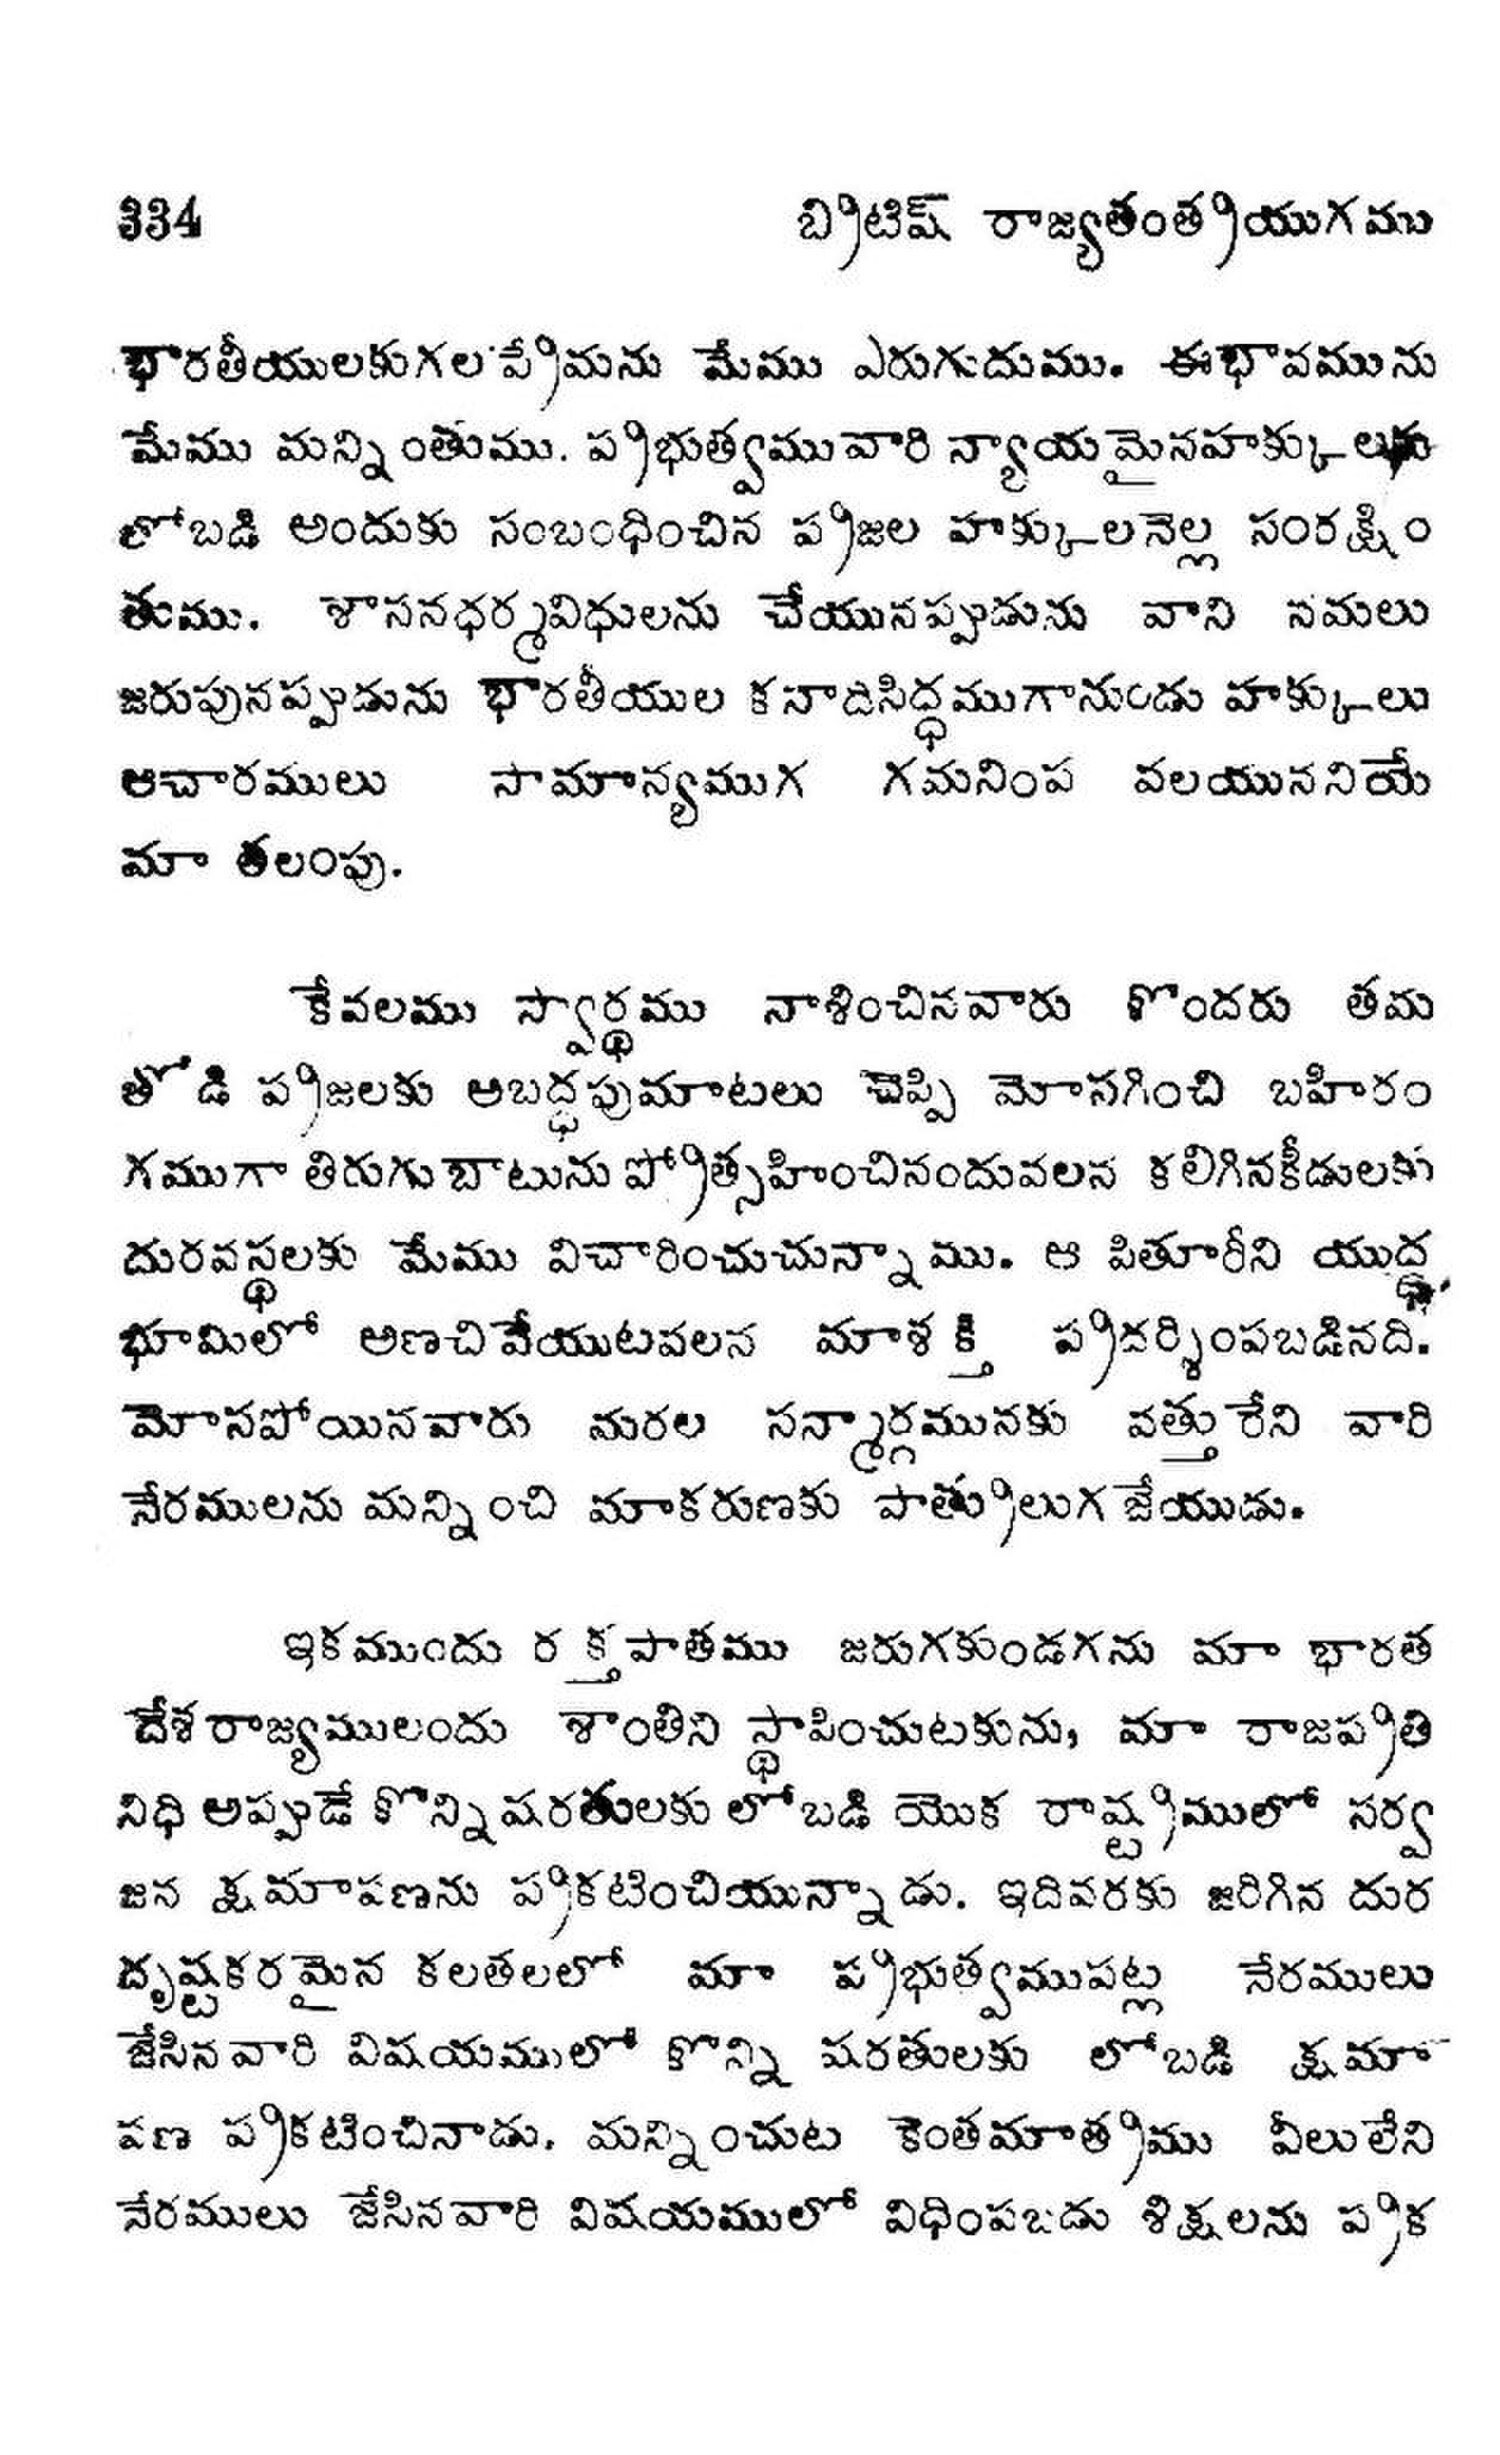భారతీయులకుగల ప్రేమను మేము ఎరుగుదుము. ఈభావమును మేము మన్నింతుము. ప్రభుత్వమువారి న్యాయమైనహక్కులకు లోబడి అందుకు సంబంధించిన ప్రజల హక్కులనెల్ల సంరక్షింతుము. శాసనధర్మవిధులను చేయునప్పుడును వాని నమలుజరుపునప్పుడును భారతీయుల కనాదిసిద్ధముగానుండు హక్కులు ఆచారములు సామాన్యముగ గమనింప వలయుననియే మా తలంపు.

కేవలము స్వార్ధము నాశించినవారు కొందరు తమతోడి ప్రజలకు అబద్దపుమాటలు చెప్పి మోసగించి బహిరంగముగా తిరుగుబాటును పోత్సహించినందువలన కలిగినకీడులకు దురవస్థలకు మేము విచారించుచున్నాము. ఆ పితూరీని యుద్దభూమిలో అణచివేయుటవలన మాశక్తి ప్రదర్శింపబడినది. మోసపోయినవారు మరల సన్మార్గమునకు వత్తురేని వారి నేరములను మన్నించి మాకరుణకు పాత్రులుగజేయుడు.

ఇకముందు రక్తపాతము జరుగకుండగను మా భారతదేశరాజ్యములందు శాంతిని స్థాపించుటకును, మా రాజప్రతినిధి అప్పుడే కొన్నిషరతులకులోబడి యొక రాష్ట్రములో సర్వజన క్షమాపణను ప్రకటించియున్నాడు. ఇదివరకు జరిగిన దురదృష్టకరమైన కలతలలో మా ప్రభుత్వముపట్ల నేరములు జేసినవారి విషయములో కొన్ని షరతులకు లోబడి క్షమాపణ ప్రకటించినాడు. మన్నించుట కెంతమాత్రము వీలులేని నేరములు జేసినవారి విషయములో విధింపబడు శిక్షలను ప్రక